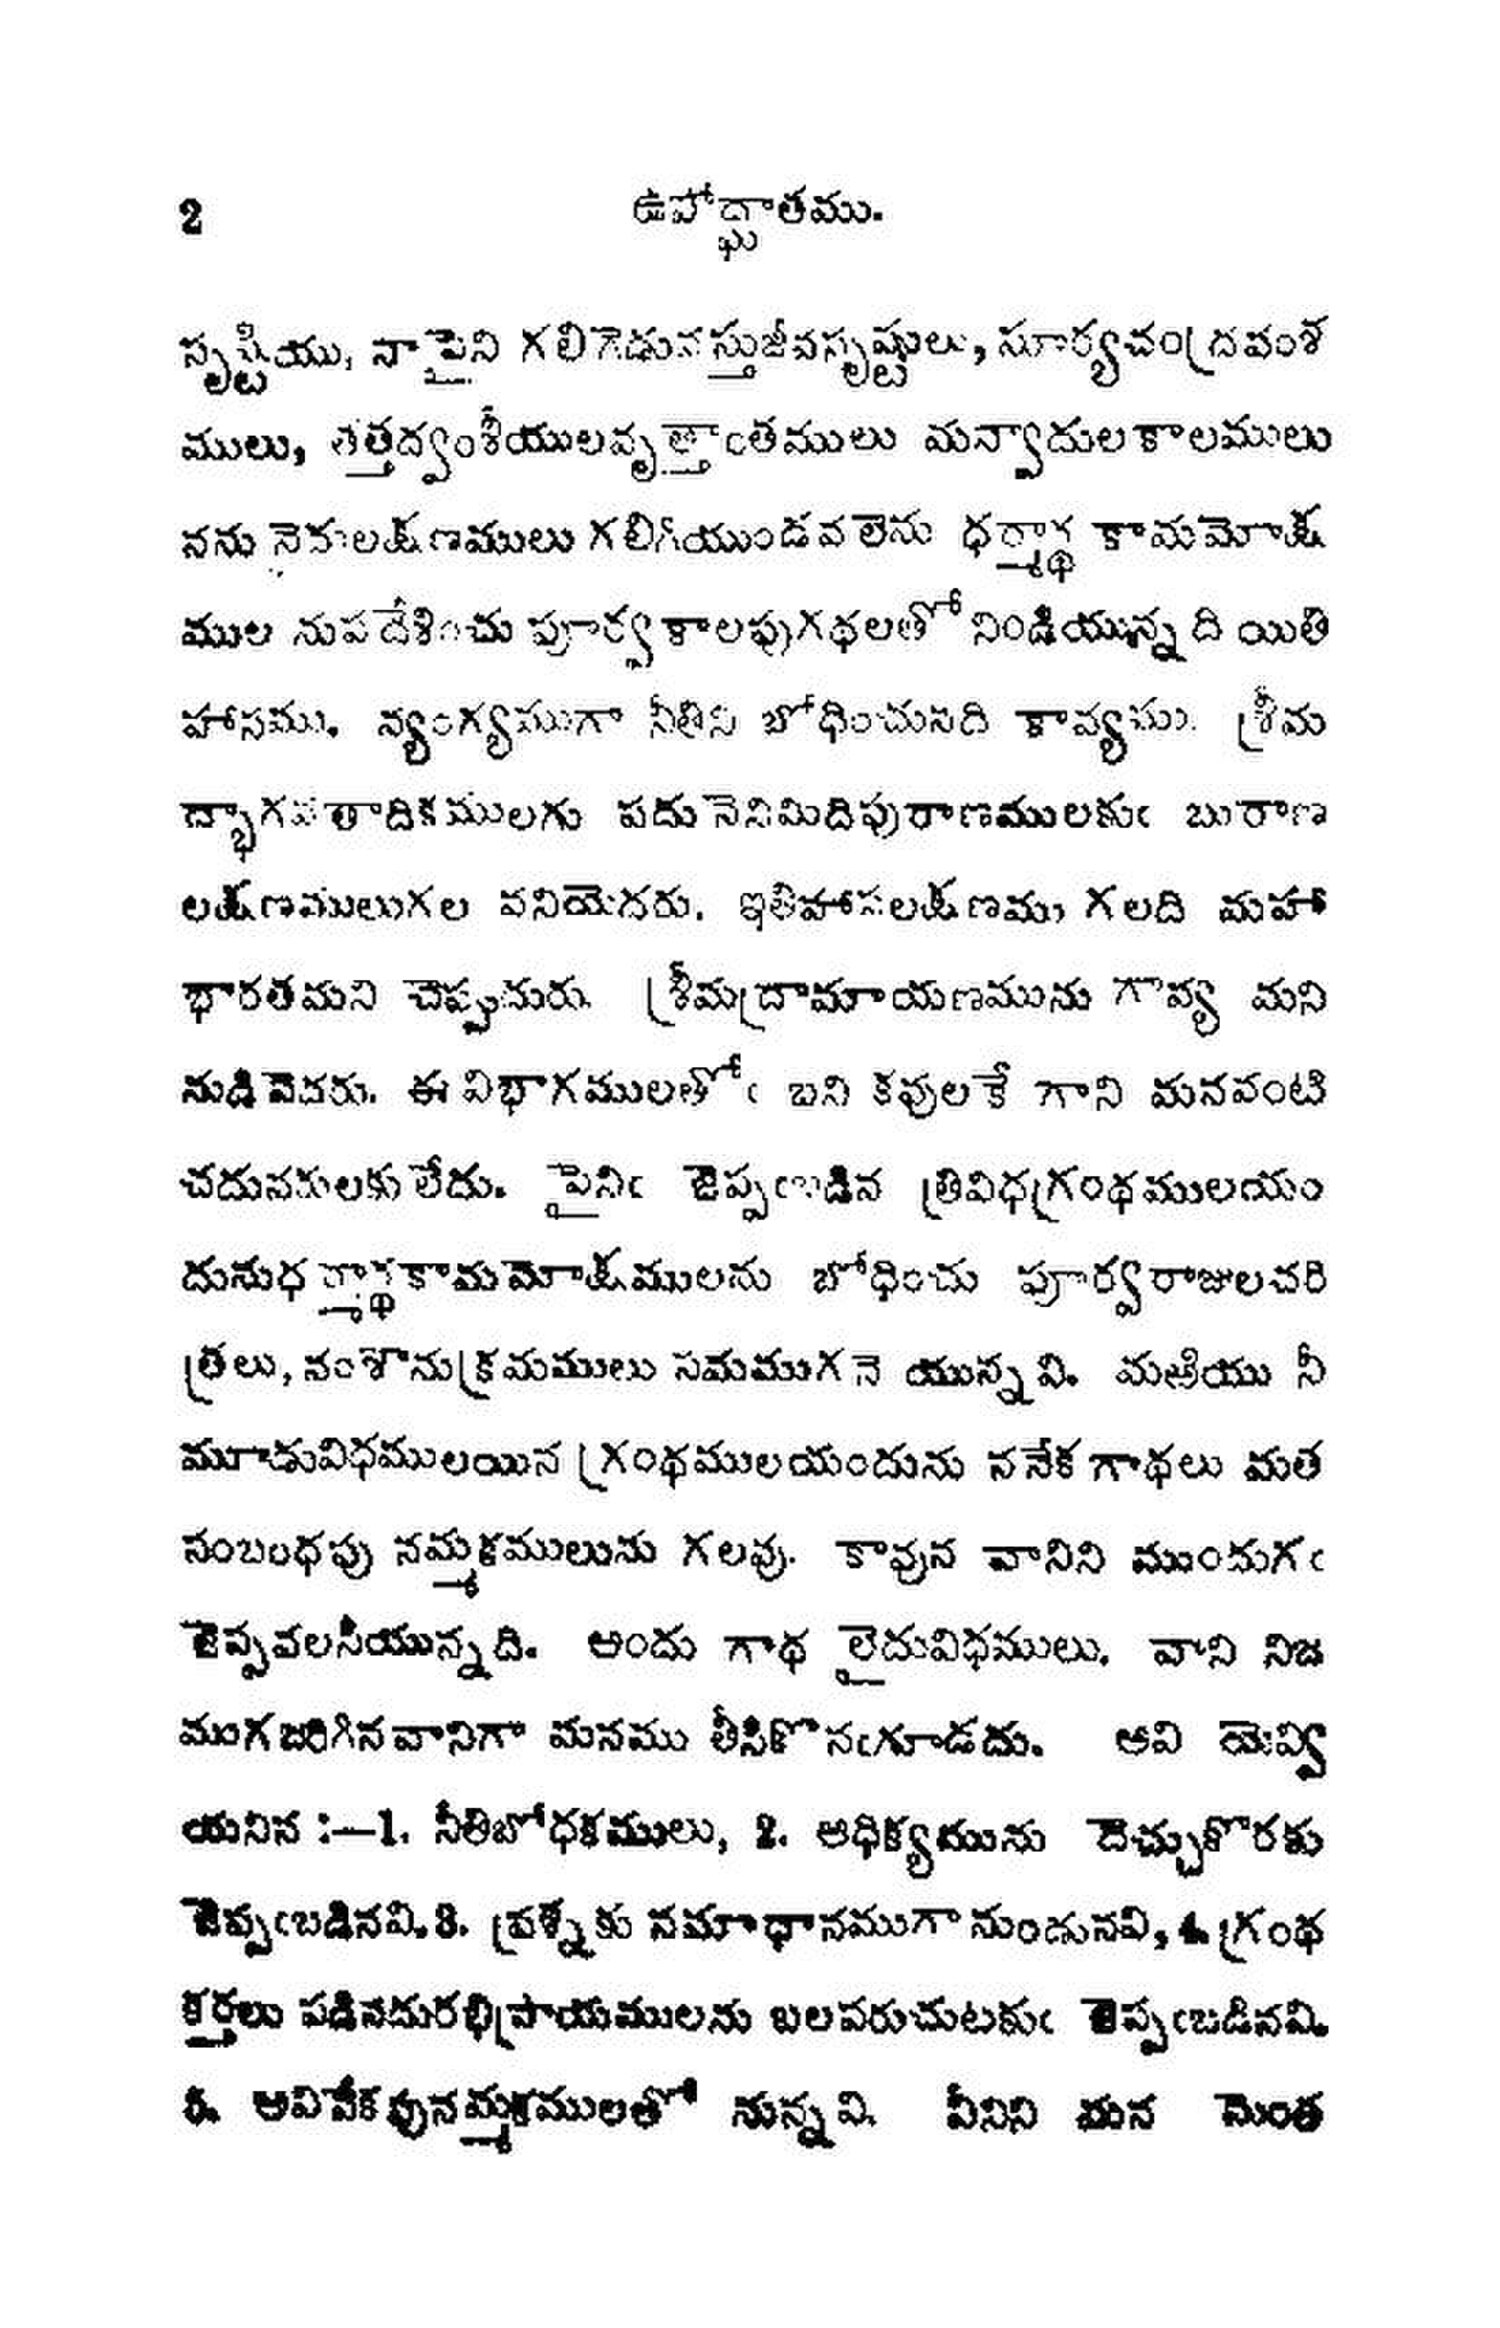సృష్టియు, నాపైని గలిగెడువస్తుజీవసృష్టులు, సూర్యచంద్రవంశములు, తత్తద్వంశీయుల వృత్తాంతములు మన్వాదులకాలములు నను నైదులక్షణములు గలిగియుండవలెను ధర్మార్థ కామమోక్షముల నుపదేశించు పూర్వకాలపుగథలతో నిండియున్నది యితిహాసము, వ్యంగ్యముగా నీతిని బోధించునది కావ్యము. శ్రీమద్భాగవతాదికములగు పదునెనిమిదిపురాణములకుఁ బురాణ
లక్షణములుగల వనియెదరు. ఇతిహాసలక్షణము గలది మహాభారతమని చెప్పుదురు. శ్రీమద్రామాయణమును గావ్య మని నుడివెదరు. ఈ విభాగములతోఁ బని కవులకే గాని మనవంటి
చదువరులకు లేదు. పైనిఁ జెప్పఁబడిన త్రివిధగ్రంథములయందును ధర్మార్థకామమోక్షములను బోధించు పూర్వరాజులచరిత్రలు, వంశానుక్రమములు సమముగనె యున్నవి. మఱియు నీ
మూడువిధములయిన గ్రంథములయందును ననేకగాథలు మత సంబంధపు నమ్మకములును గలవు. కావున వానిని ముందుగఁ జెప్పవలసియున్నది. అందు గాథ లైదువిధములు. వాని నిజముగజరిగినవానిగా మనము తీసికొనఁగూడదు. అవి యెవ్వి యనిన :-1. నీతిబోధకములు, 2. ఆధిక్యమును దెచ్చుకొరకు జెప్పఁబడినవి. 3. ప్రశ్నకు సమాధానముగా నుండునవి, 4. గ్రంథకర్తలు పడినదురభిప్రాయములను బలపరుచుటకుఁ జెప్పఁబడినవి. 5. అవివేకపునమ్మకములతో నున్నవి. వీనిని మన మెంత